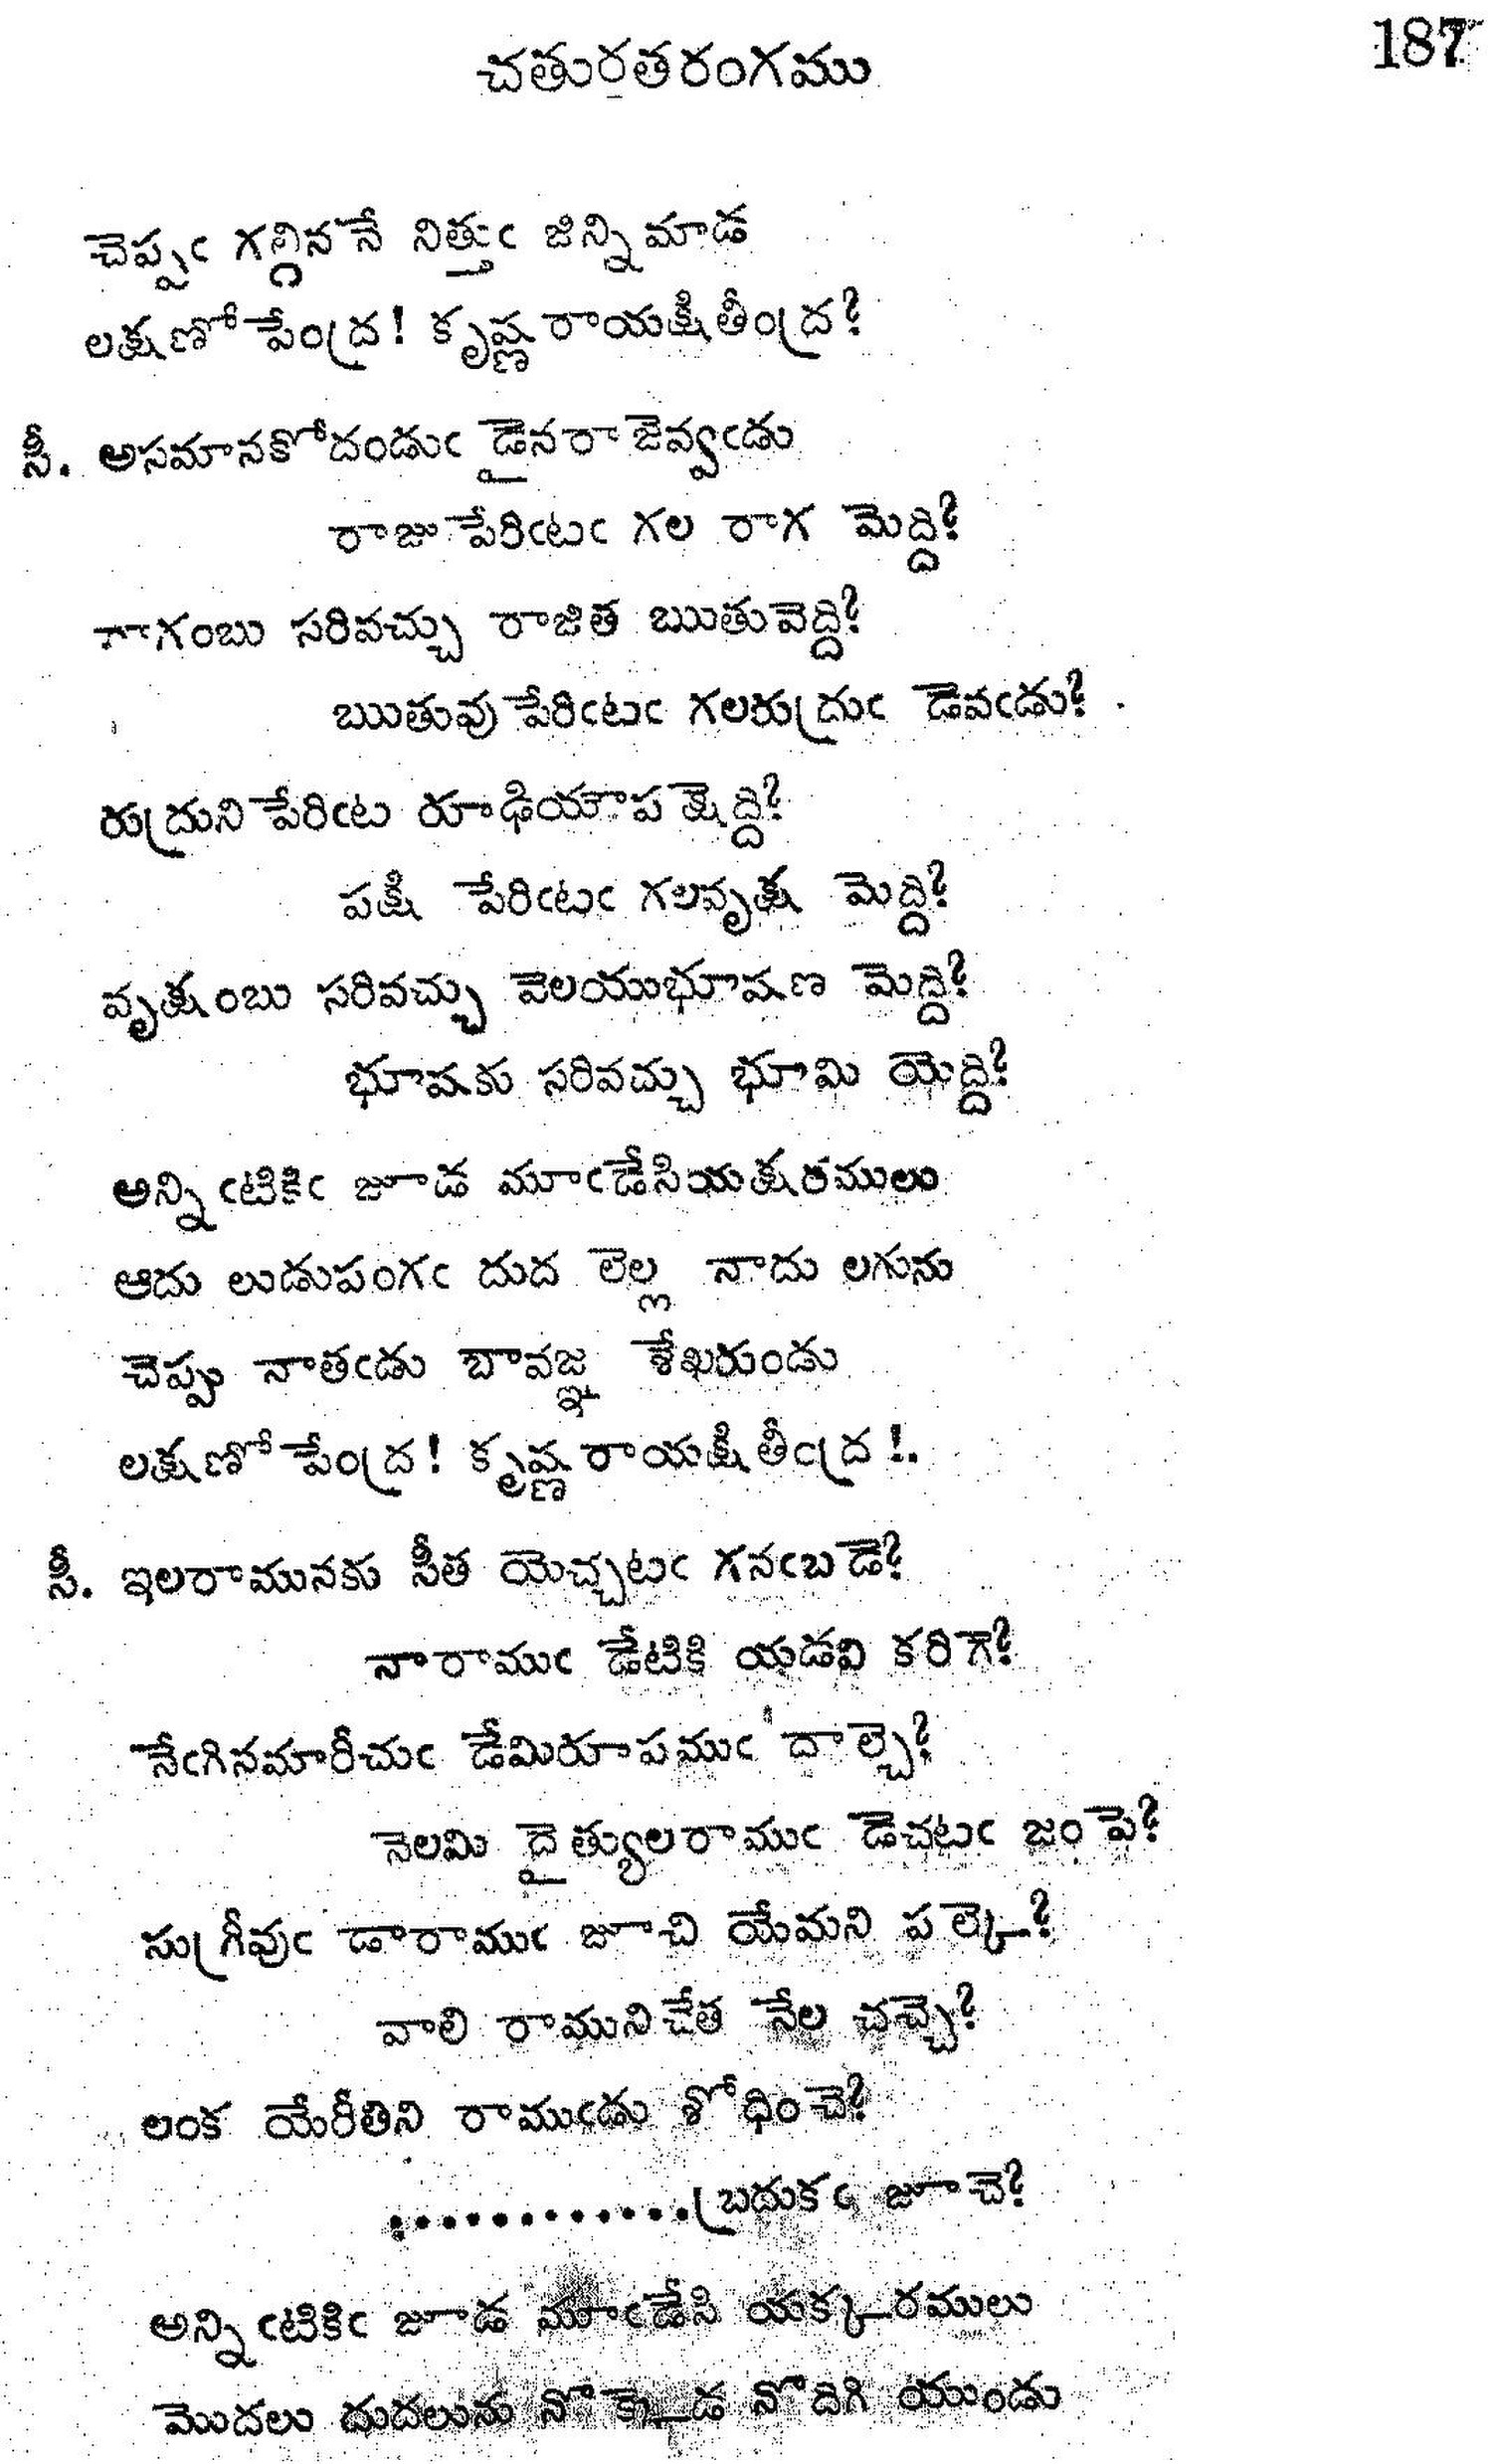చెప్పఁ గల్గిన నే నిత్తుఁ జిన్నిమాడ
 లక్షణోపేంద్ర! కృష్ణరాయక్షితీంద్ర!

సీ. అసమానకోదండుఁ డైనరా జెవ్వఁడు?
 రాజు పేరిఁటఁ గల రాగ మెద్ది?
 రాగంబు సరివచ్చు రాజిత ఋతువెద్ది?
 ఋతువు పేరిఁటఁ గలరుద్రుఁ డెవఁడు?
 రుద్రునిపేరిఁట రూఢియౌ పక్షెద్ది?
 పక్షి పేరిఁటఁ గలవృక్ష మెద్ది?
 వృక్షంబు సరివచ్చు వెలయుభూషణ మెద్ది?
 భూషకు సరివచ్చు భూమి యెద్ది?
 అన్నిఁటికిఁ జూడ మూఁడేసి యక్షరములు
 ఆదు లుడుపంగఁ దుద లెల్ల నాదు లగును
 చెప్పునాతఁడు భావజ్ఞశేఖరుండు
 లక్షణోపేంద్ర! కృష్ణరాయక్షితీంద్ర!

సీ. ఇలరామునకు సీత యెచ్చటఁ గనఁబడె?
 నారాముఁ డేటికి యడవి కరిగె?
 నేఁగిన మారీచుఁ డేమిరూపముఁ దాల్చె?
 నెలమి దైత్యుల రాముఁ డెచటఁ జంపె?
 సుగ్రీవుఁ డారాముఁ జూచి యేమని పల్కె?
 వాలి రామునిచేత నేల చచ్చె?
 లంక యేరీతిని రాముఁడు శోధించె?
 .....................బ్రదుకఁ జూచె?
 అన్నిఁటికిఁ జూడ మూఁడేసి యక్కరములు
 మొదలు దుదలును నొక్కెడ నొదిగి యుండు